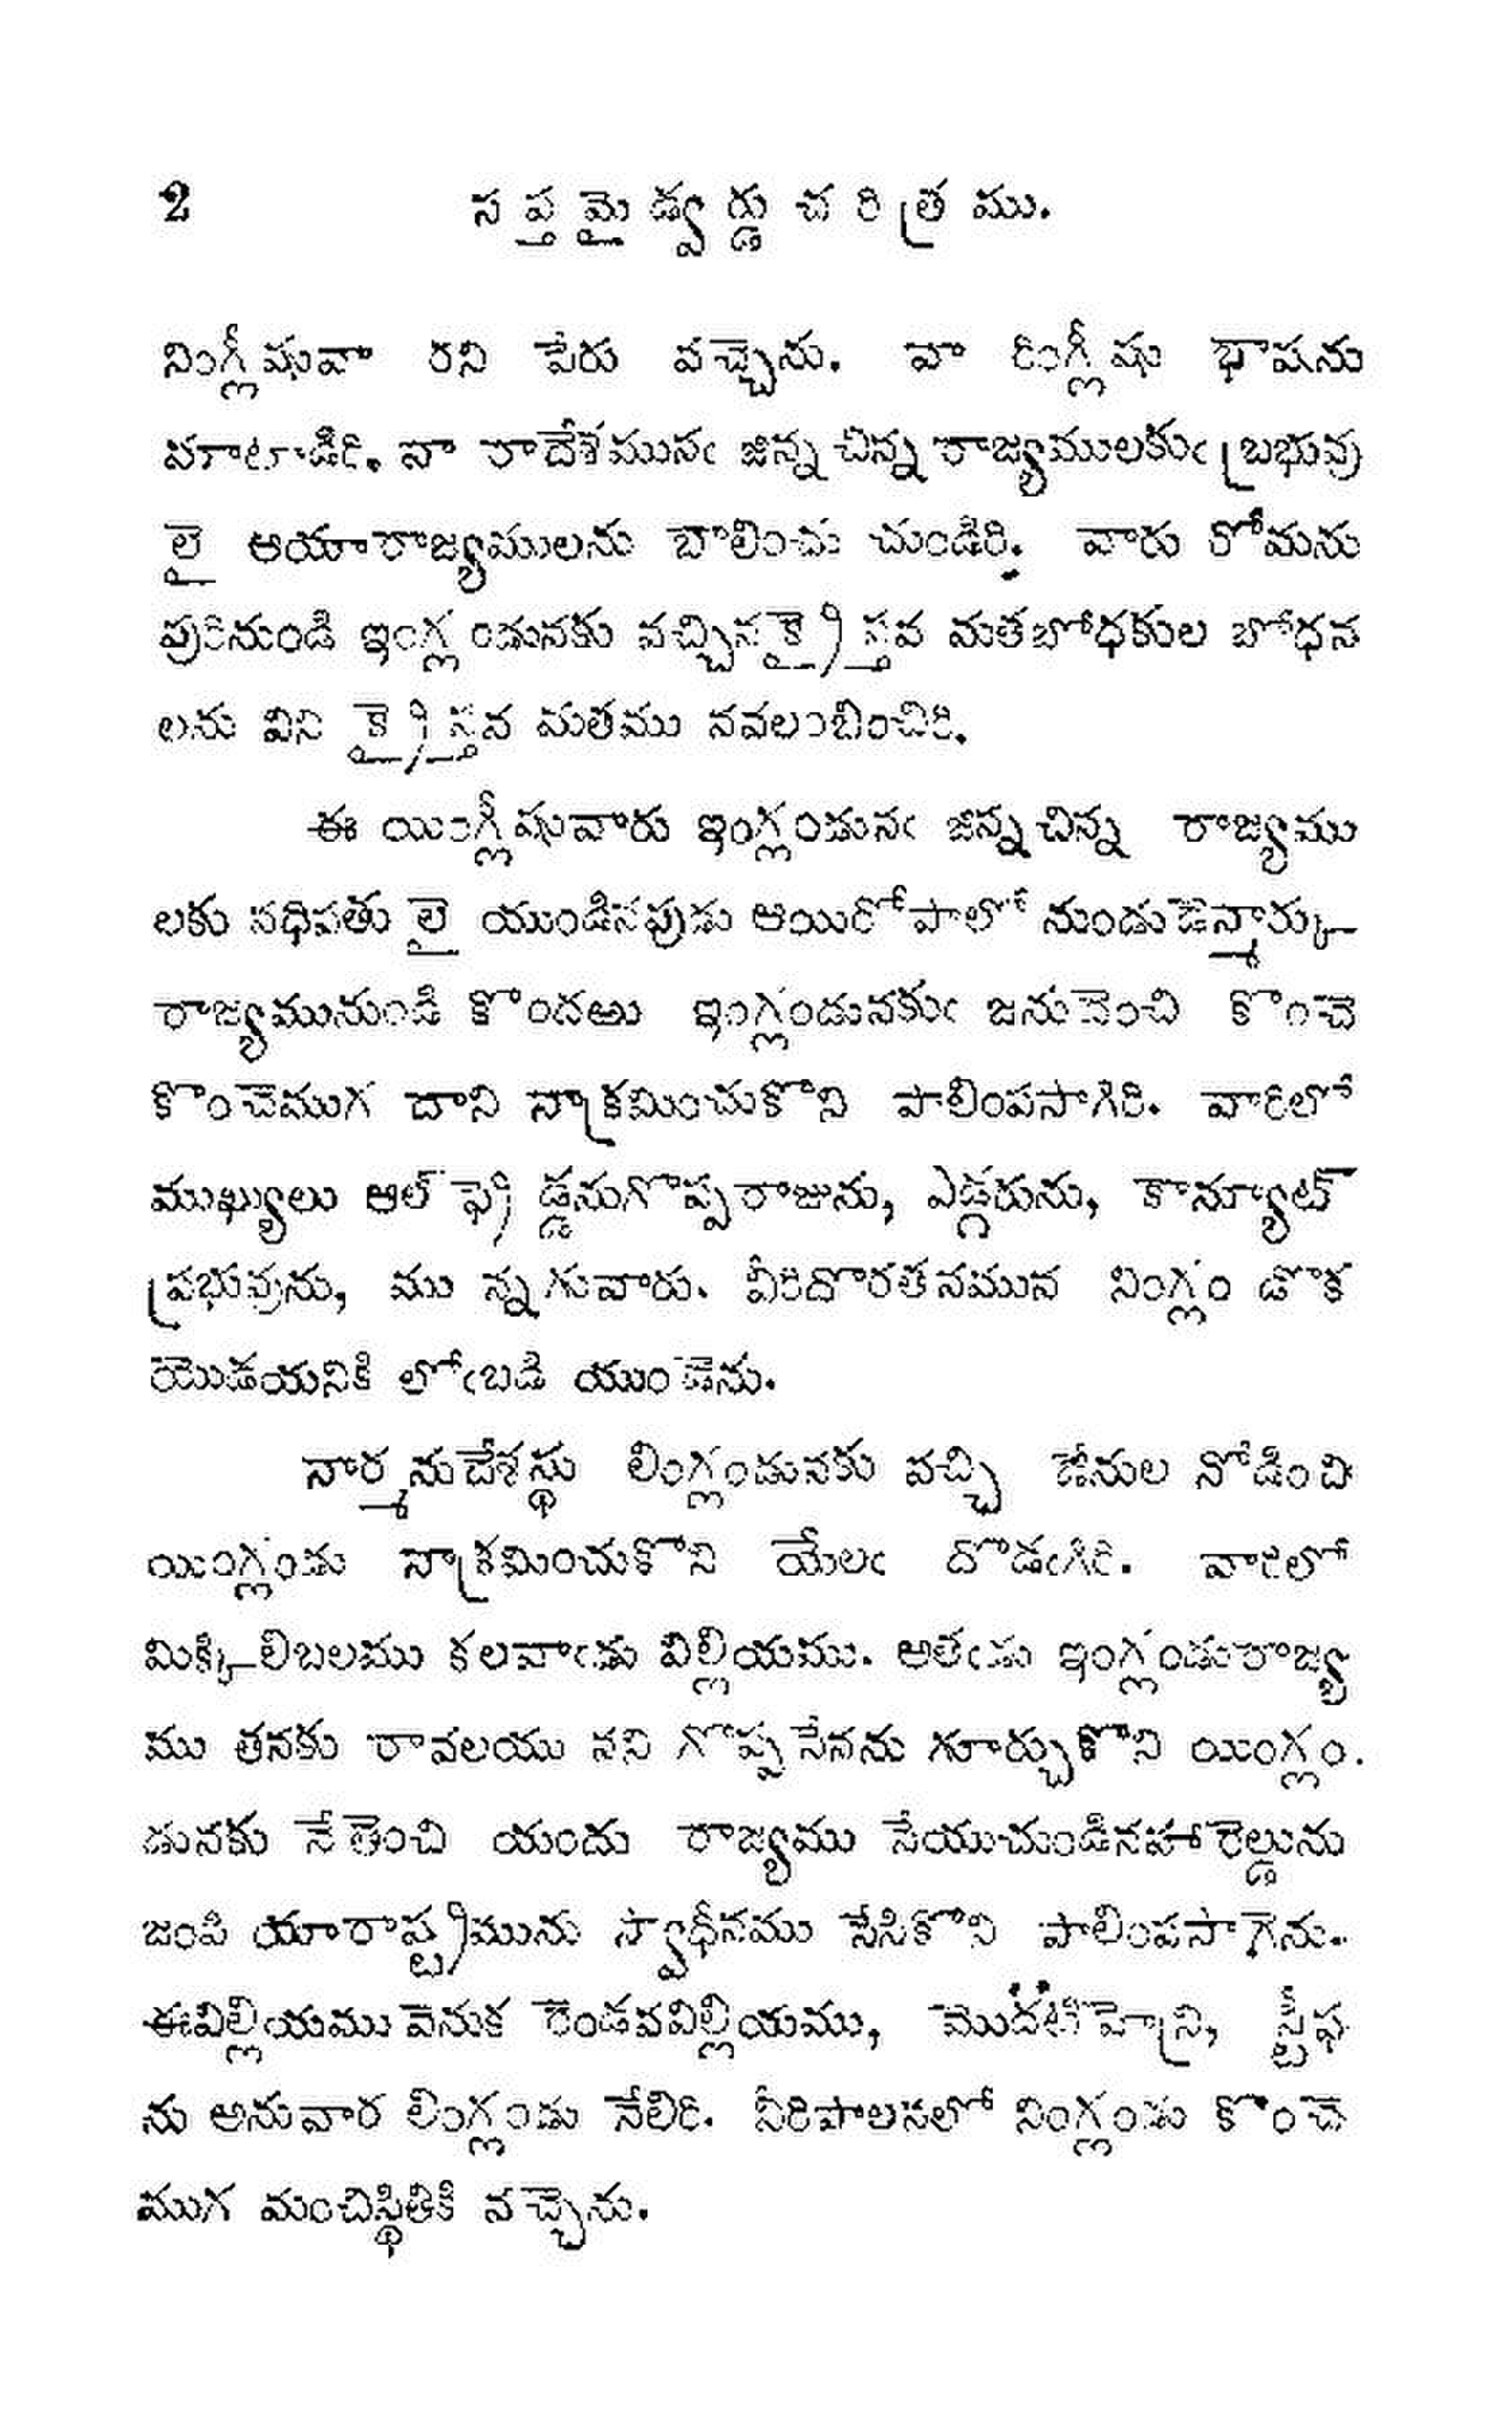నింగ్లీషువా రని పేరు వచ్చెను. వా రింగ్లీషు భాషను మాటాడిరి. వా రాదేశమునఁ జిన్న చిన్న రాజ్యములకుఁ బ్రభువు లై ఆయారాజ్యములను బాలించు చుండిరి. వారు రోమనుపురినుండి ఇంగ్లండునకు వచ్చినక్రైస్తవ మతబోధకుల బోధనలను విని క్రైస్తవ మతము నవలంబించిరి.

ఈ యింగ్లీషువారు ఇంగ్లండునఁ జిన్నచిన్న రాజ్యములకు నధిపతులై యుండినపుడు అయిరోపాలో నుండుడెన్మార్కు రాజ్యమునుండి కొందఱు ఇంగ్లండునకుఁ జనుదెంచి కొంచె కొంచెముగ దాని నాక్రమించుకొని పాలింపసాగిరి. వారిలో ముఖ్యులు ఆల్ ఫ్రె డ్డనుగొప్పరాజును, ఎడ్గరును, కాన్యూట్
ప్రభువును, మున్నగువారు. వీరిదొరతనమున నింగ్లం డొక యొడయనికి లోబడి యుండెను

నార్మనుదేశస్థు లింగ్లండునకు వచ్చి డేనుల నోడించి యింగ్లండు నాక్రమించుకొని యేలఁ దొడఁగిరి. వారిలో మిక్కిలిబలము కలవాఁడు విల్లియము. అతఁడు ఇంగ్లండురాజ్యము తనకు రావలయు నని గొప్పసేనను గూర్చుకొని యింగ్లండునకు నేతెంచి యందు రాజ్యము సేయుచుండినహారెల్డును జంపి యారాష్ట్రమును స్వాధీనము సేసికొని పాలింపసాగెను. ఈవిల్లియము వెనుక రెండవవిల్లియము, మొదటిహెన్రి, స్టీపను అనువార లింగ్లండు నేలిరి. వీరిపాలనలో నింగ్లండు కొంచెముగ మంచిస్థితికి వచ్చెను.